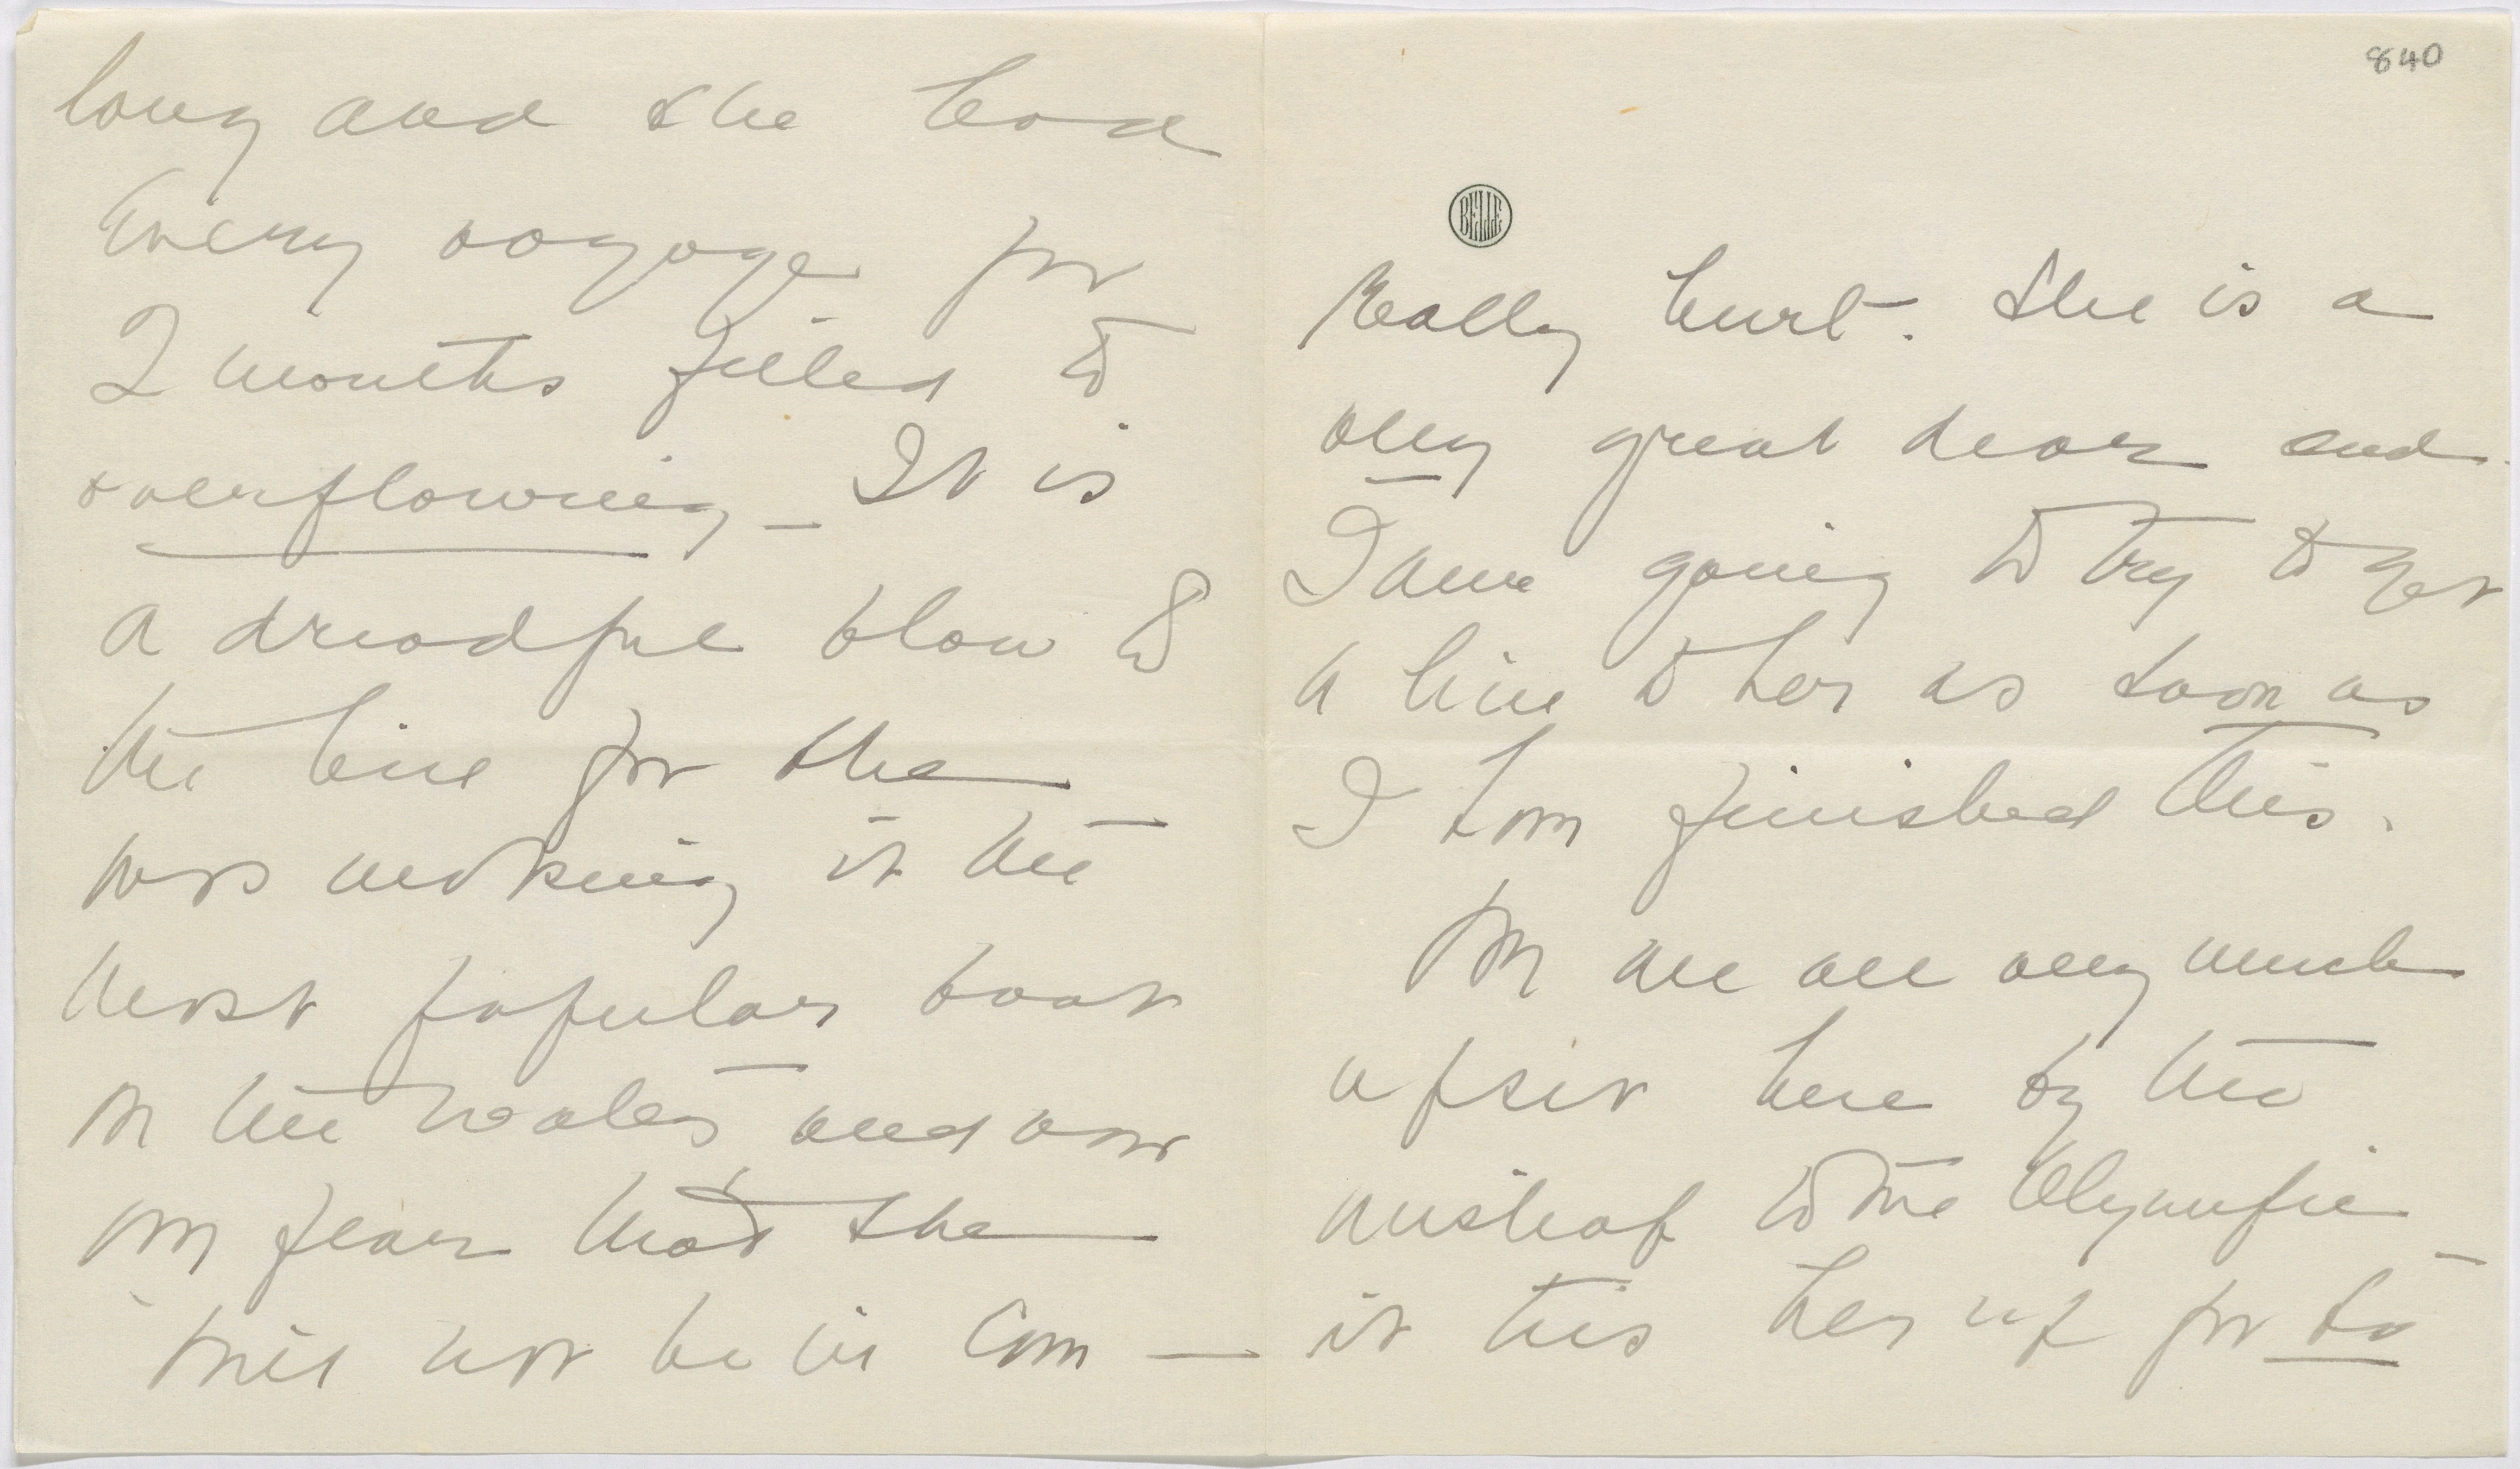really hurt. She is a very great dear and I am going to try to get a line to her as soon as I have finished this.
We are all very much upsit [sic] here by the mishap of the Olympic – it ties her up for so
long and she had every voyage for 2 months filled to overflowing – It is a dreadful blow to the line for she was making it the most popular boat on the water and now we fear that she will not be in commission